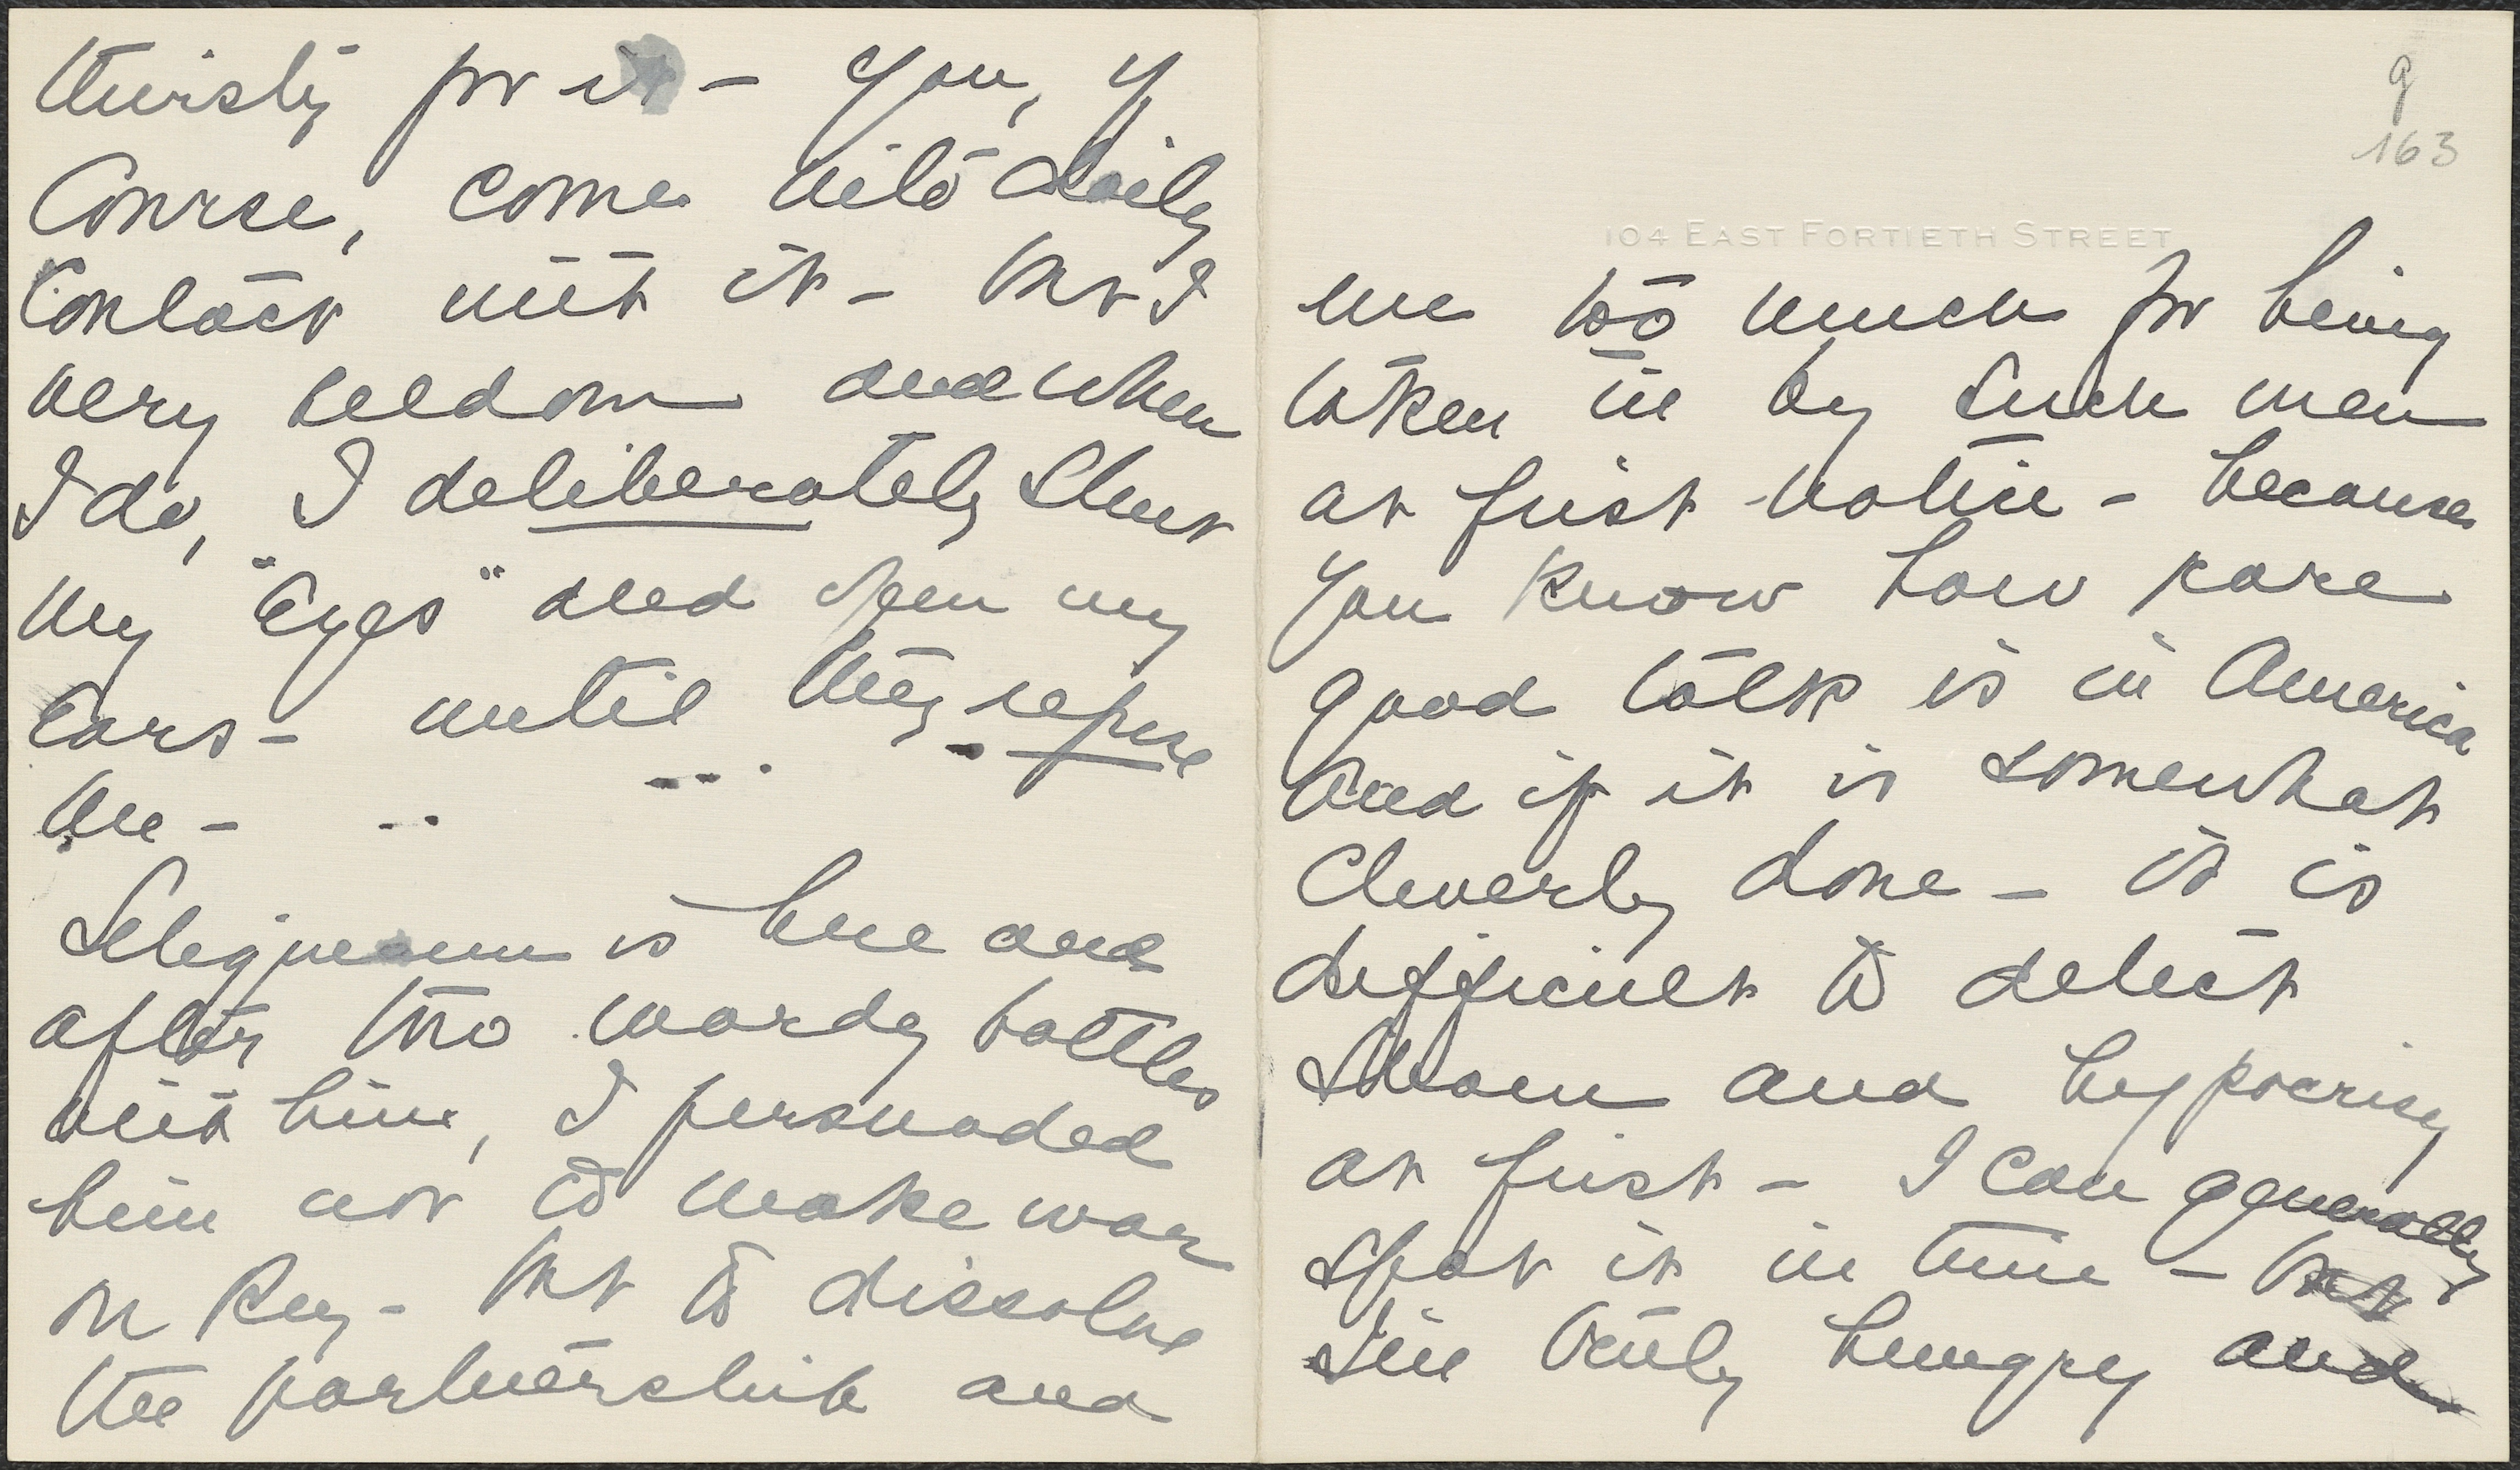me too much for being taken in by such men at first notice – because you know how rare good talk is in America and if it is somewhat cleverly done – it is difficult to detect sham and hypocrisy at first – I can generally spot it in time – but I’m truly hungry and
thirsty for it – you, of course, come into daily contact with it – but I very seldom and when I do, I deliberately shut my “eyes” and open my ears – until they refuse me –
Seligmann is here and after two wordy bottles with him, I persuaded him not to make war on Rey – but to dissolve the partnership and